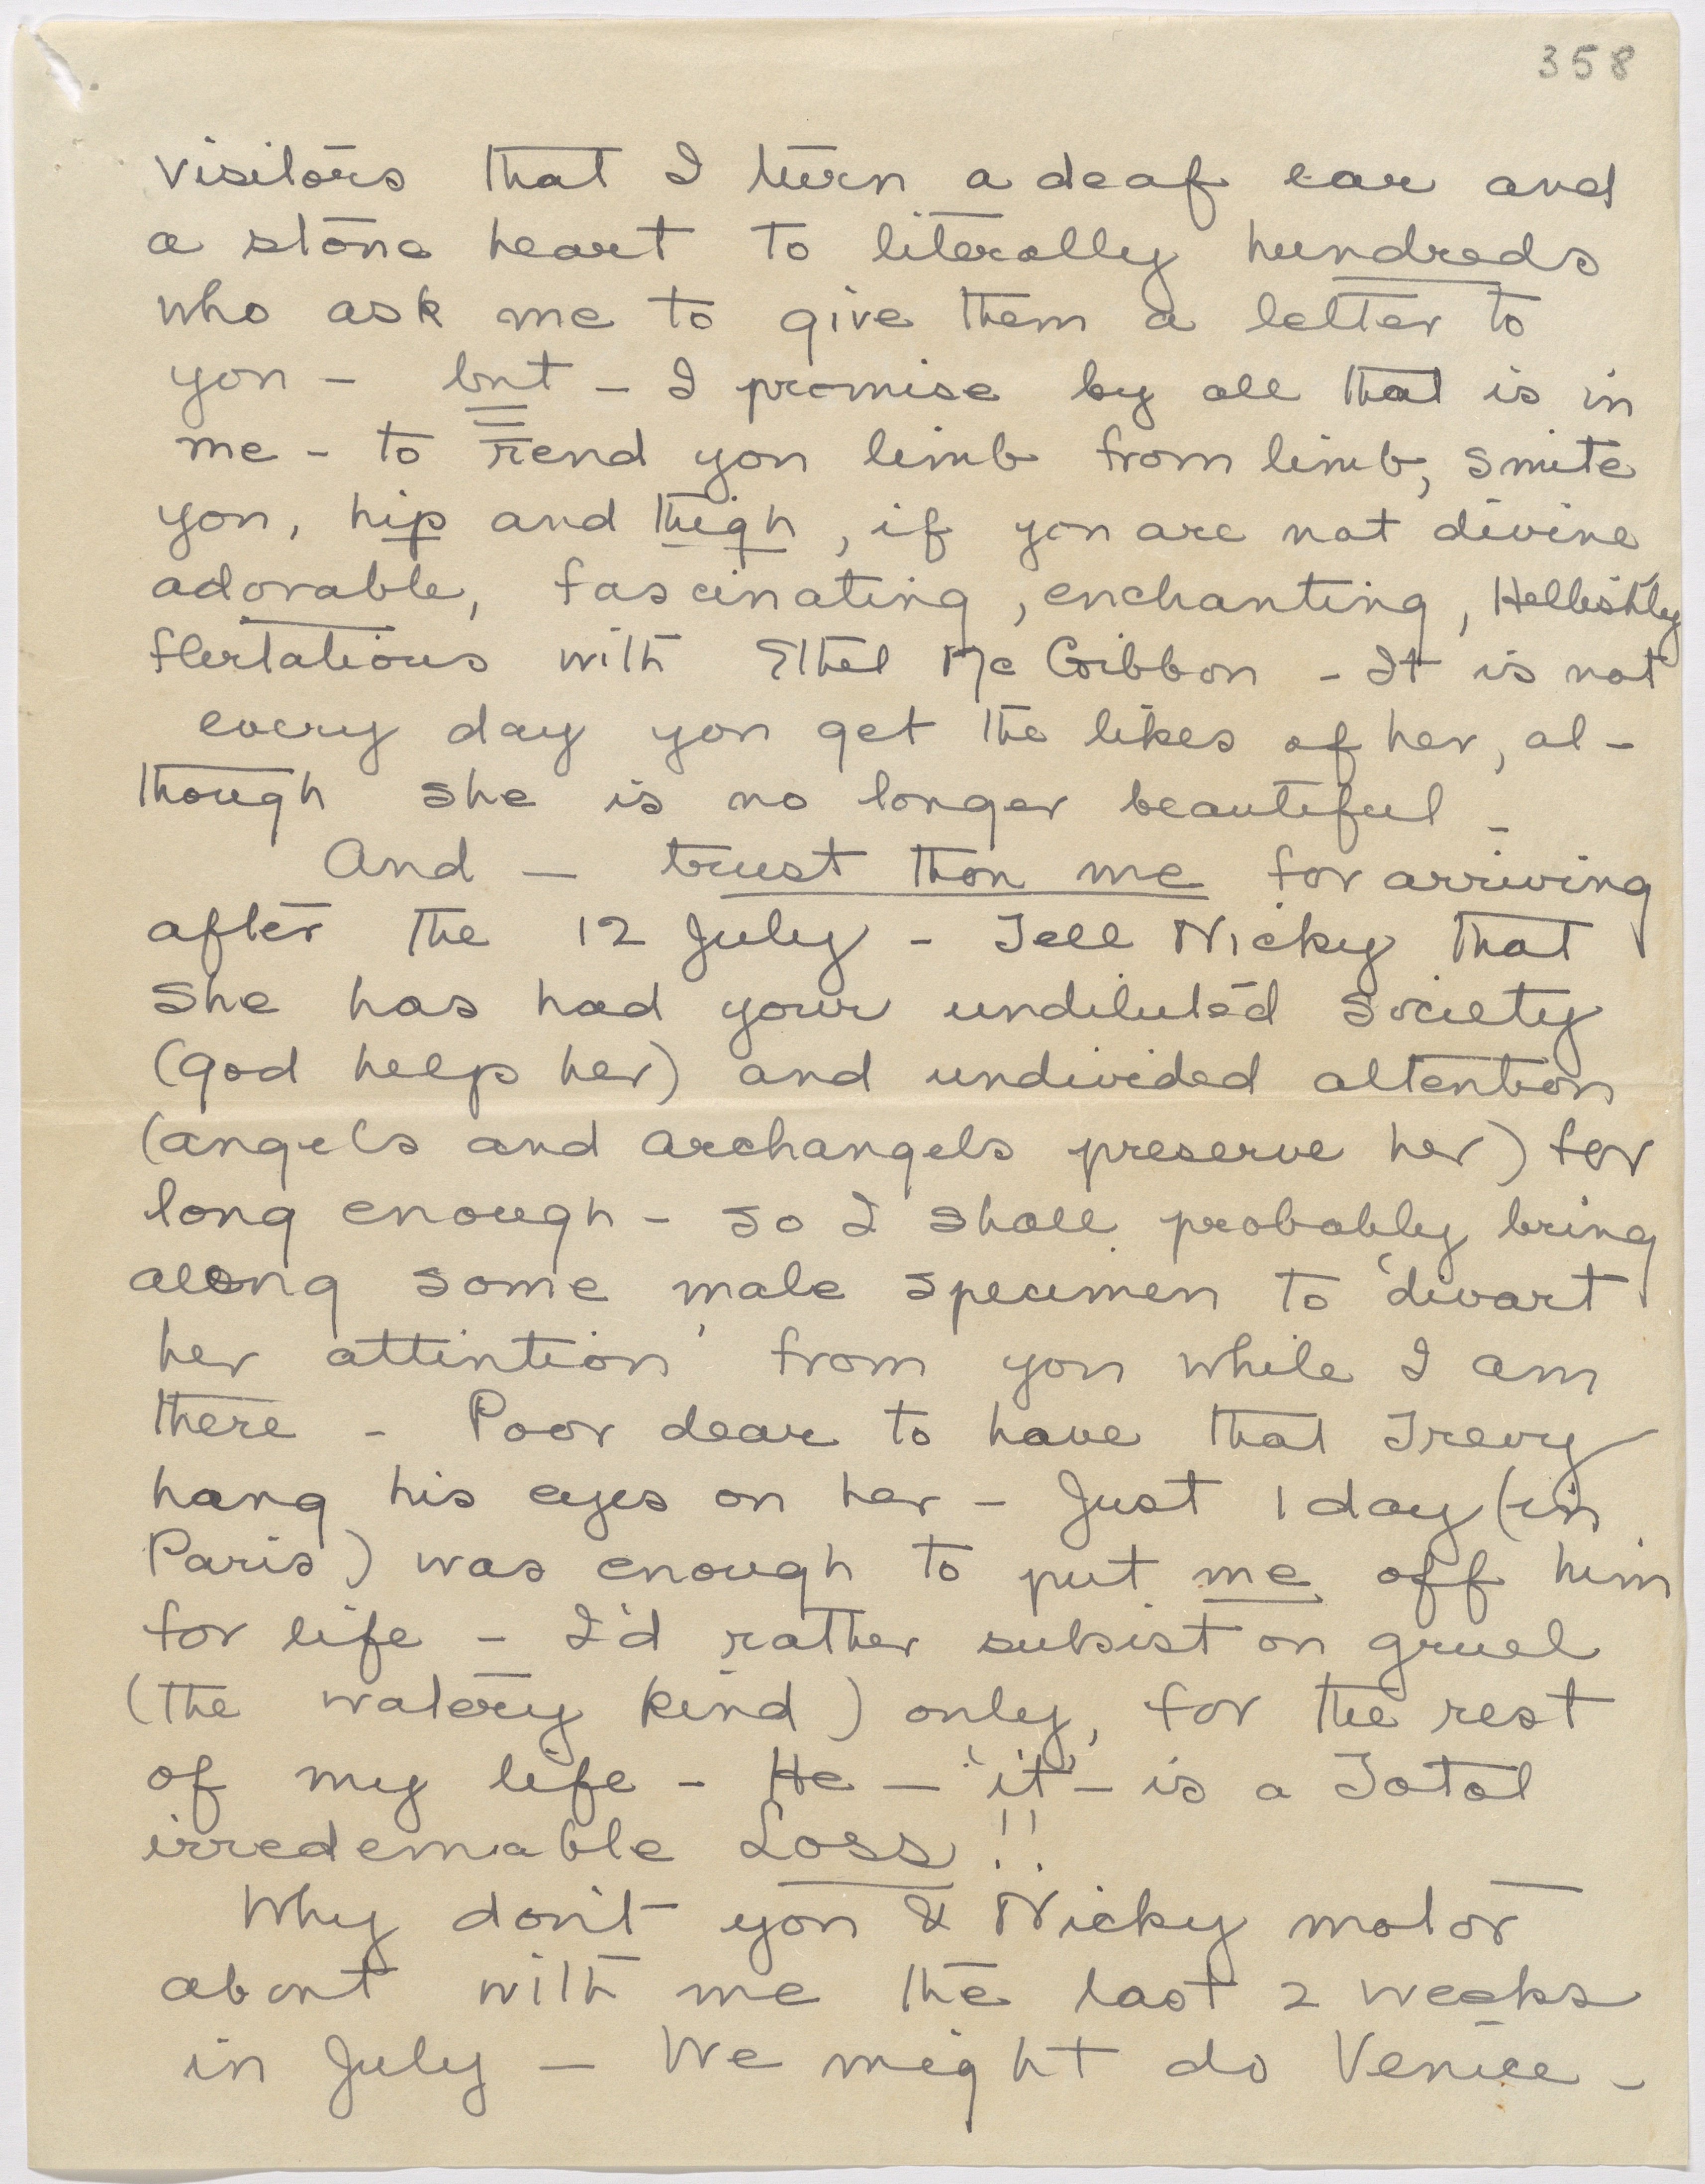visitors that I turn a deaf ear and a stone heart to literally hundreds who ask me to give them a letter to you – [triple underlined: but] – I promise by all that is in me – to rend you limb from limb, smite you, hip and thigh , if you are not divine, adorable, fascinating, enchanting, Hellishly flirtatious with Ethel McGibbon – It is not every day you get the likes of her, although she is no longer beautiful –
And – trust thou me for arriving after the 12 July – Tell Nicky that she has had your undiluted society (God help her) and undivided attention (angels and archangels preserve her) for long enough – so I shall probably bring along some male specimen to ‘divart her attention’ from you while I am there – Poor dear to have that Trevy hang his eyes on her – Just 1 day (in Paris) was enough to put me off him for life – I’d rather subsist on gruel (the watery kind) only, for the rest of my life – He – ‘it’– is a Total irredeemable Loss!!
Why don’t you & Nicky motor about with me the last 2 weeks in July – we might do Venice –